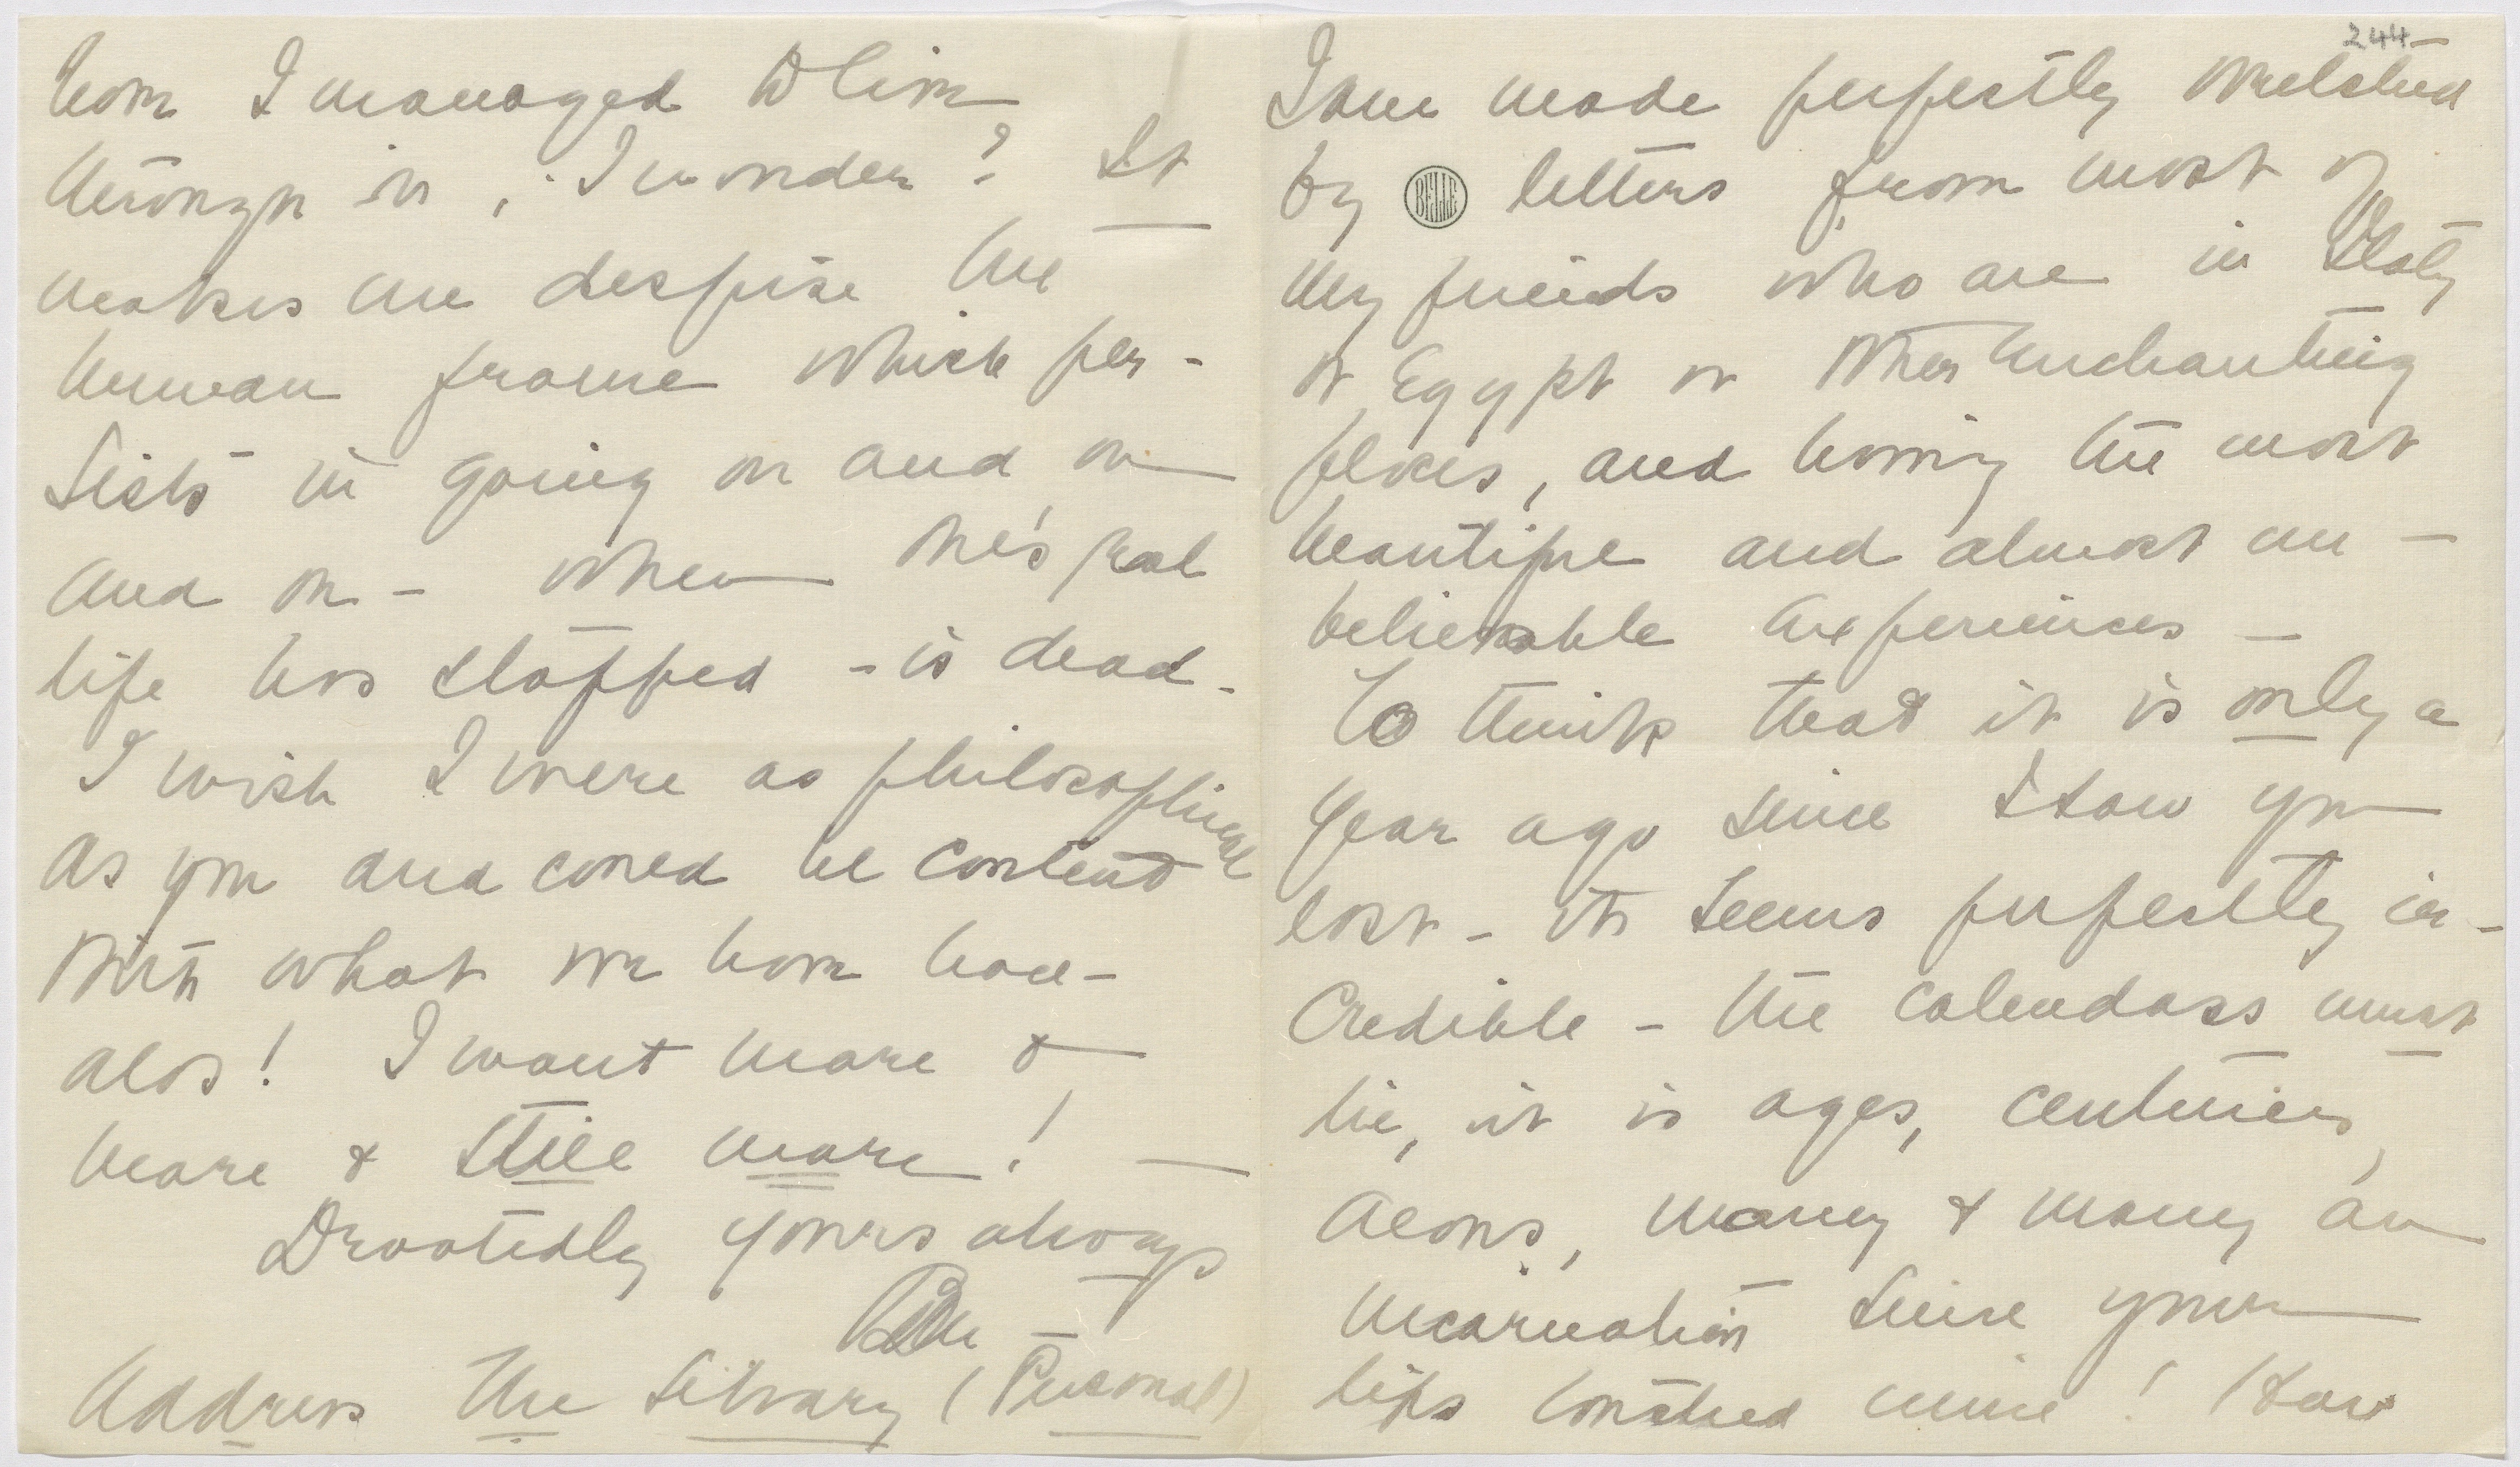I am made perfectly wretched by letters from most of my friends who are in Italy or Egypt or other enchanting places, and having the most beautiful and almost unbelievable experiences –
To think that it is only a year ago since I saw you last – it seems perfectly incredible – the calendars must lie, it is ages, centuries, aeons, many & many an incarnation since your lips touched mine! How
have I managed to live through it, I wonder? It makes me despise the human frame which persists in going on and on and on – when one’s real life has stopped – is dead –
I wish I were as philosophical as you and could lie content with what we have had – alas! I want more & more & still [double underlined: more]! –
Devotedly yours always
Belle –
Address The Library (Personal)